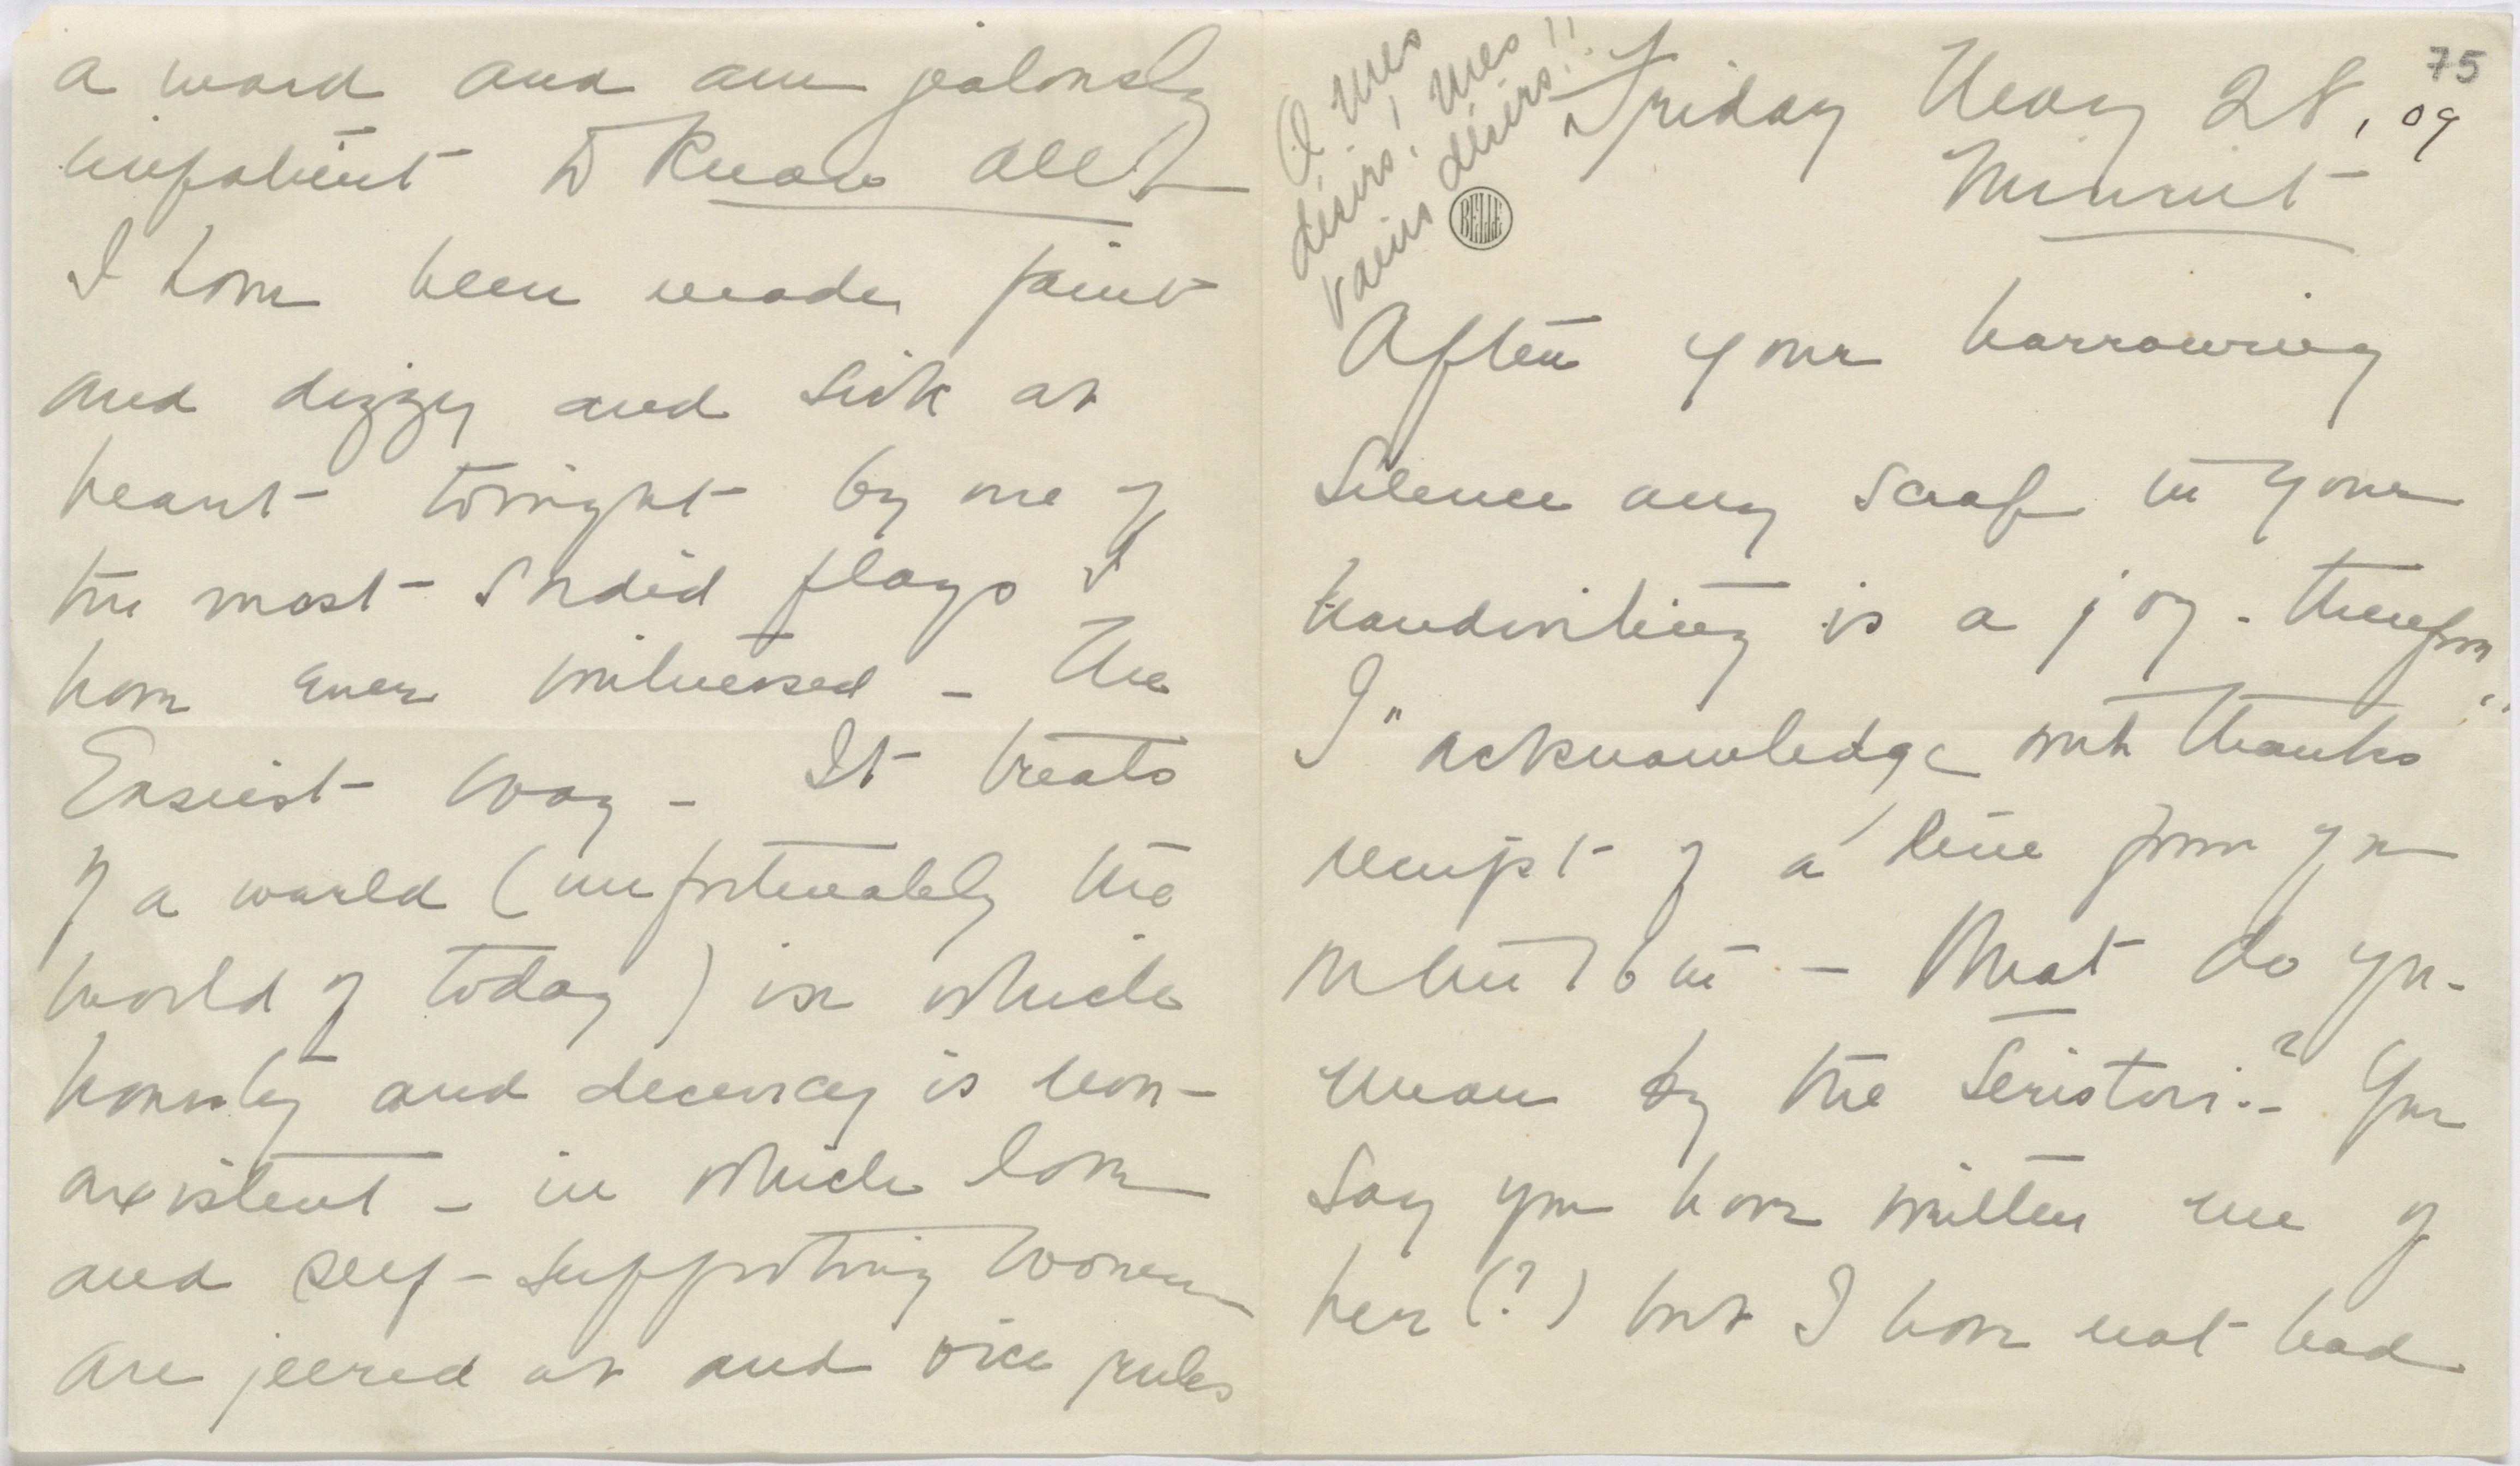Friday May 28
Minuit
[written diagonally, to the left of the date: O mes désirs! Mes vains désirs!!]
After your harrowing silence any scrap in your handwriting is a joy – therefore I “acknowledge with thanks” receipt of a line from you on the 16th – What do you – mean by the Seristori [sic]? – You say you have written me of her (?) but I have not had
a word and am jealously impatient to know all –
I have been made faint and dizzy and sick at heart tonight by one of the most sordid plays I have ever witnessed – The Easiest Way – It treats of a world (unfortunately the world of today) in which honesty and decency is non-existent – in which love and self-supporting women are jeered at and vice rules